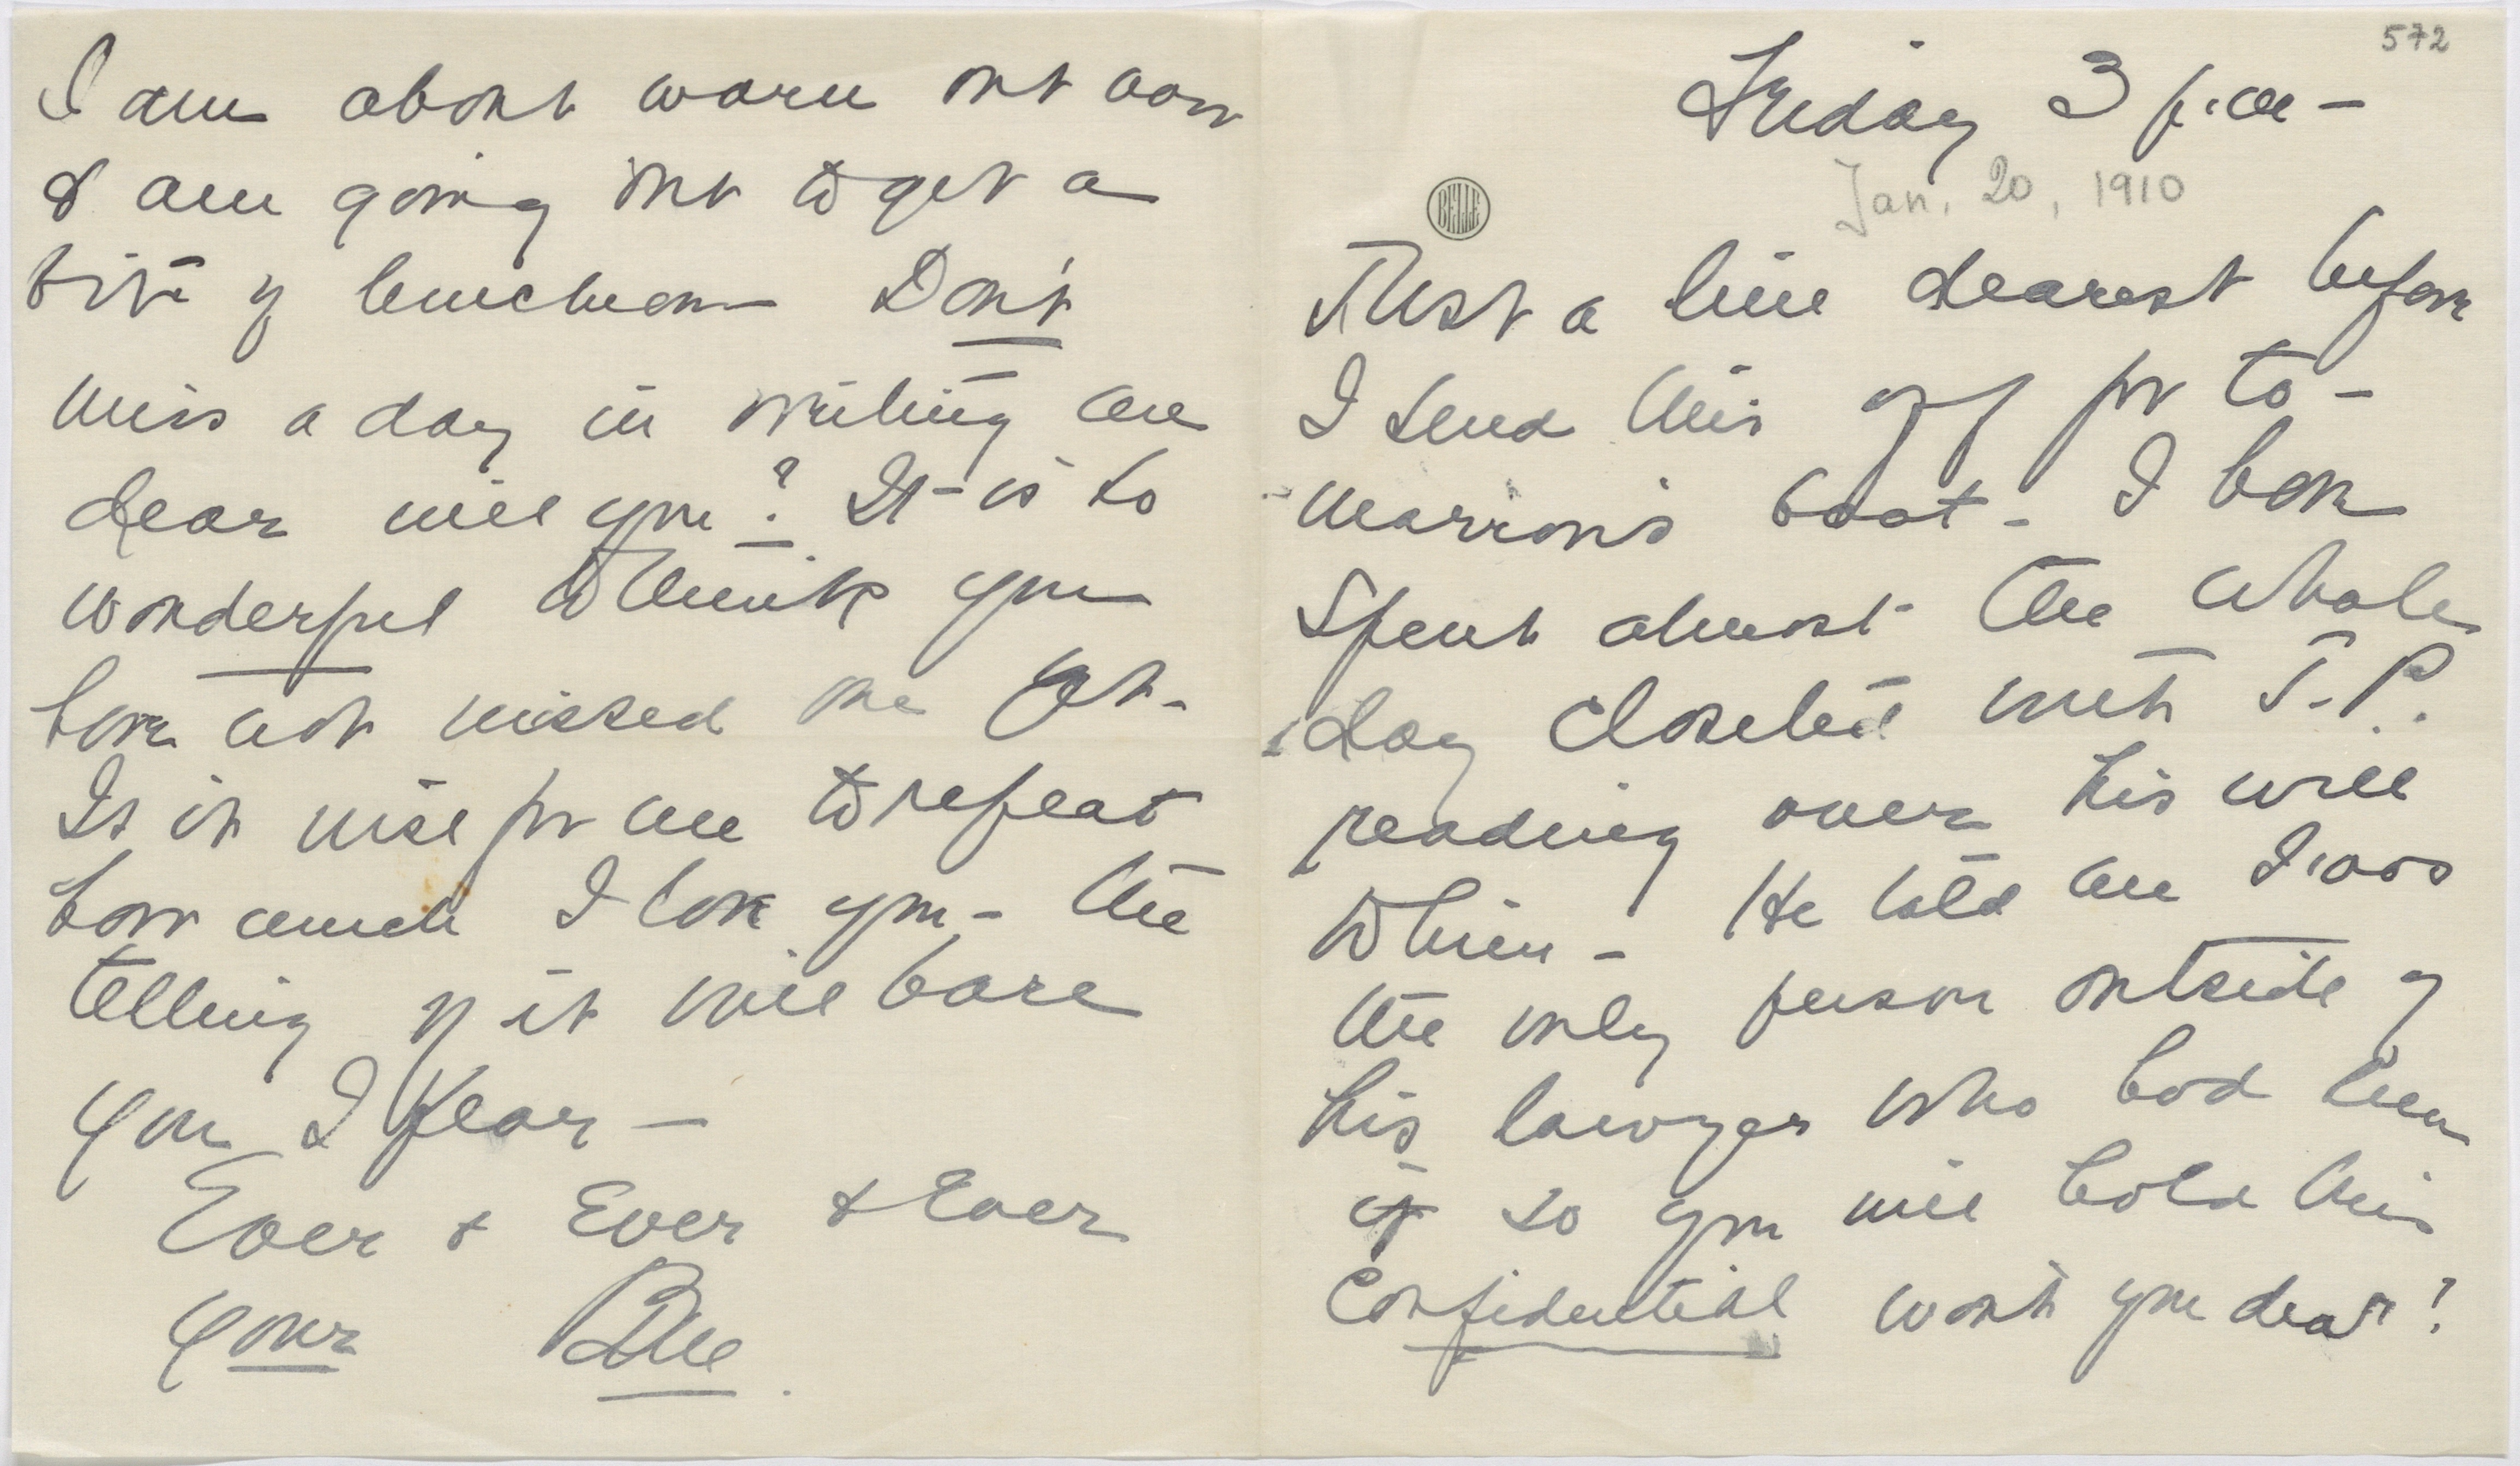Friday 3 p.m –
Just a line dearest before I send this off for tomorrow’s boat – I have spent almost the whole day closeted with J.P. reading over his will to him – He told me I was the only person outside of his lawyer who had seen it so you will hold this confidential won’t you dear?
I am about worn out now & am going out to get a bit of luncheon – Don’t miss a day in writing me dear will you? It is so wonderful to think you have not missed one yet –
Is it wise for me to repeat how much I love you – the telling of it will bore you I fear –
Ever & ever & ever
your Belle.